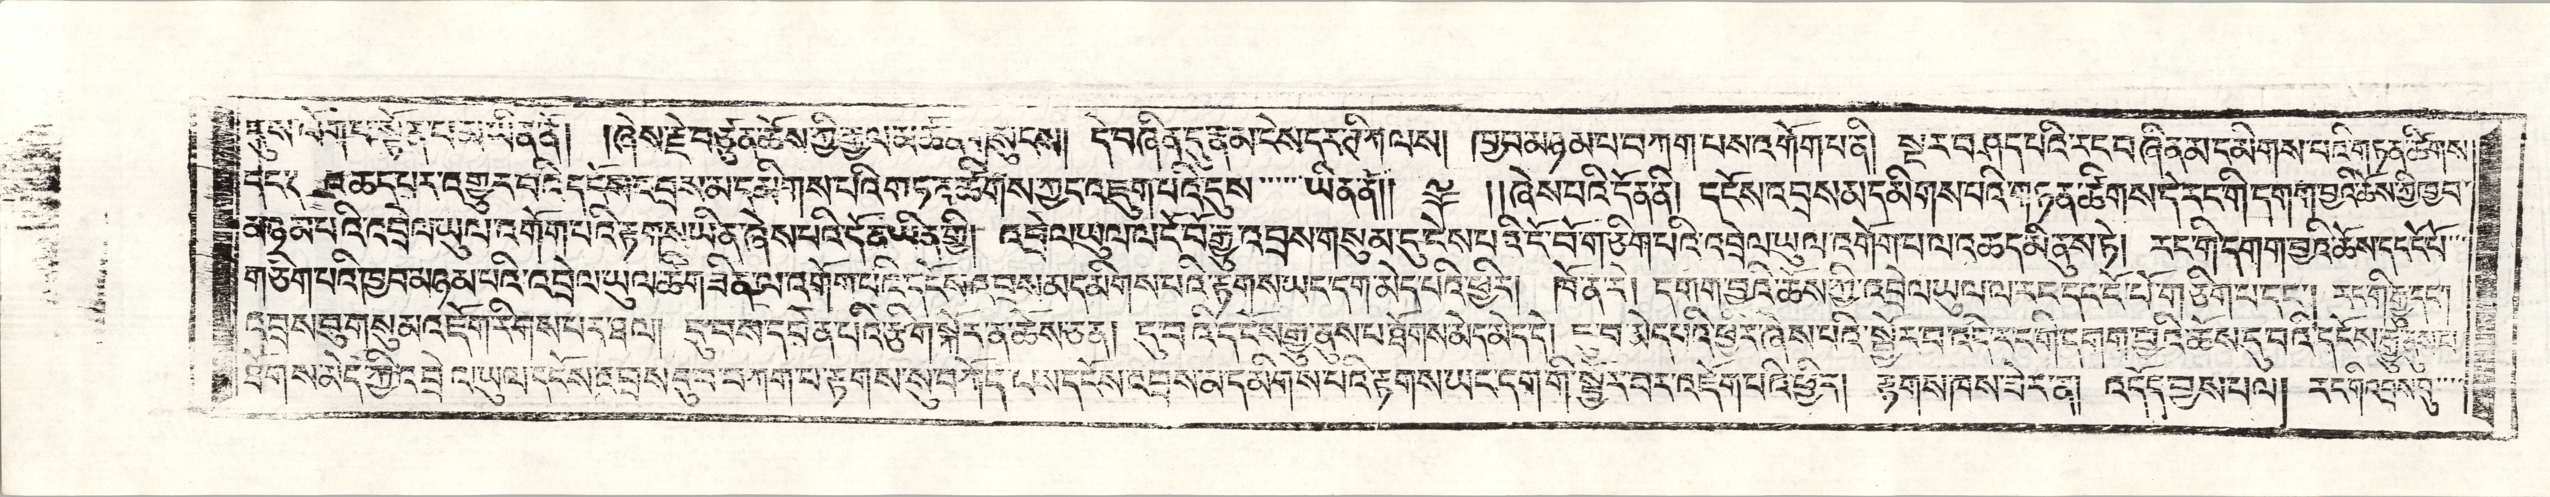དུས་ལོག་པ་སྟོན་པ་མ་ཡིན་ནོ། །ཞེས་རྗེ་བཙུན་ཆོས་ཀྱི་རྒྱལ་མཚན་གྱིས་གསུངས། དེ་བཞིན་དུ་རྣམ་ངེས་དར་ཊི་ཀ་ལས། ཁྱབ་མཉམ་པ་བཀག་པས་འགོག་པ་ནི། སྔར་བཤད་པའི་རང་བཞིན་མ་དམིགས་པའི་གཏན་ཚིགས་
དང་། འཆད་པར་འགྱུར་བའི་དངོས་འབྲས་མ་དམིགས་པའི་གཏན་ཚིགས་ཀྱང་འཇུག་པའི་དུས་ཡིན་ནོ།། ཞེས་པའི་དོན་ནི། དངོས་འབྲས་མ་དམིགས་པའི་གཏན་ཚིགས་དེ་རང་གི་དགག་བྱའི་ཆོས་ཀྱི་ཁྱབ་
མཉམ་པའི་འབྲེལ་ཡུལ་འགོག་པའི་རྟགས་ཡིན་ཞེས་པའི་དོན་ཡིན་གྱི། འབྲེལ་ཡུལ་ལ་ངོ་བོ་རྒྱུ་འབྲས་གསུམ་དུ་ངེས་པའི་ངོ་བོ་གཅིག་པའི་འབྲེལ་ཡུལ་འགོག་པ་ལ་འཆད་མི་ནུས་ཏེ། རང་གི་དགག་བྱའི་ཆོས་དང་ངོ་བོ་
གཅིག་པའི་ཁྱབ་མཉམ་པའི་འབྲེལ་ཡུལ་ཚིག་ཟིན་ལ་འགོག་པའི་དངོས་འབྲས་མ་དམིགས་པའི་རྟགས་ཡང་དག་མེད་པའི་ཕྱིར། ཁོ་ན་རེ། དགག་བྱའི་ཆོས་ཀྱི་འབྲེལ་ཡུལ་ལ་རང་དང་ངོ་བོ་གཅིག་པ་དང་། རང་གི་རྒྱུ་དང་།
འབྲས་བུ་གསུམ་འཇོག་རིགས་པར་ཐལ། དུ་བས་དབེན་པའི་རྩིག་སྐོར་ན་ཆོས་ཅན། དུ་བའི་དངོས་རྒྱུ་ནུས་པ་ཐོགས་མེད་མེད་དེ། དུ་བ་མེད་པའི་ཕྱིར་ཞེས་པའི་སྦྱོར་བ་འདི་རང་གི་དགག་བྱའི་ཆོས་དུ་བའི་དངོས་རྒྱུ་ནུས་པ་
ཐོགས་མེད་ཀྱི་འབྲེལ་ཡུལ་དངོས་འབྲས་དུ་བ་བཀག་པ་རྟགས་སུ་བཀོད་པས་དངོས་འབྲས་མ་དམིགས་པའི་རྟགས་ཡང་དག་གི་སྦྱོར་བར་འཇོག་པའི་ཕྱིར། རྟགས་ཁས་ཟེར་ན། འདོད་བྱས་པ་ལ། རང་གི་འབྲས་བུ་